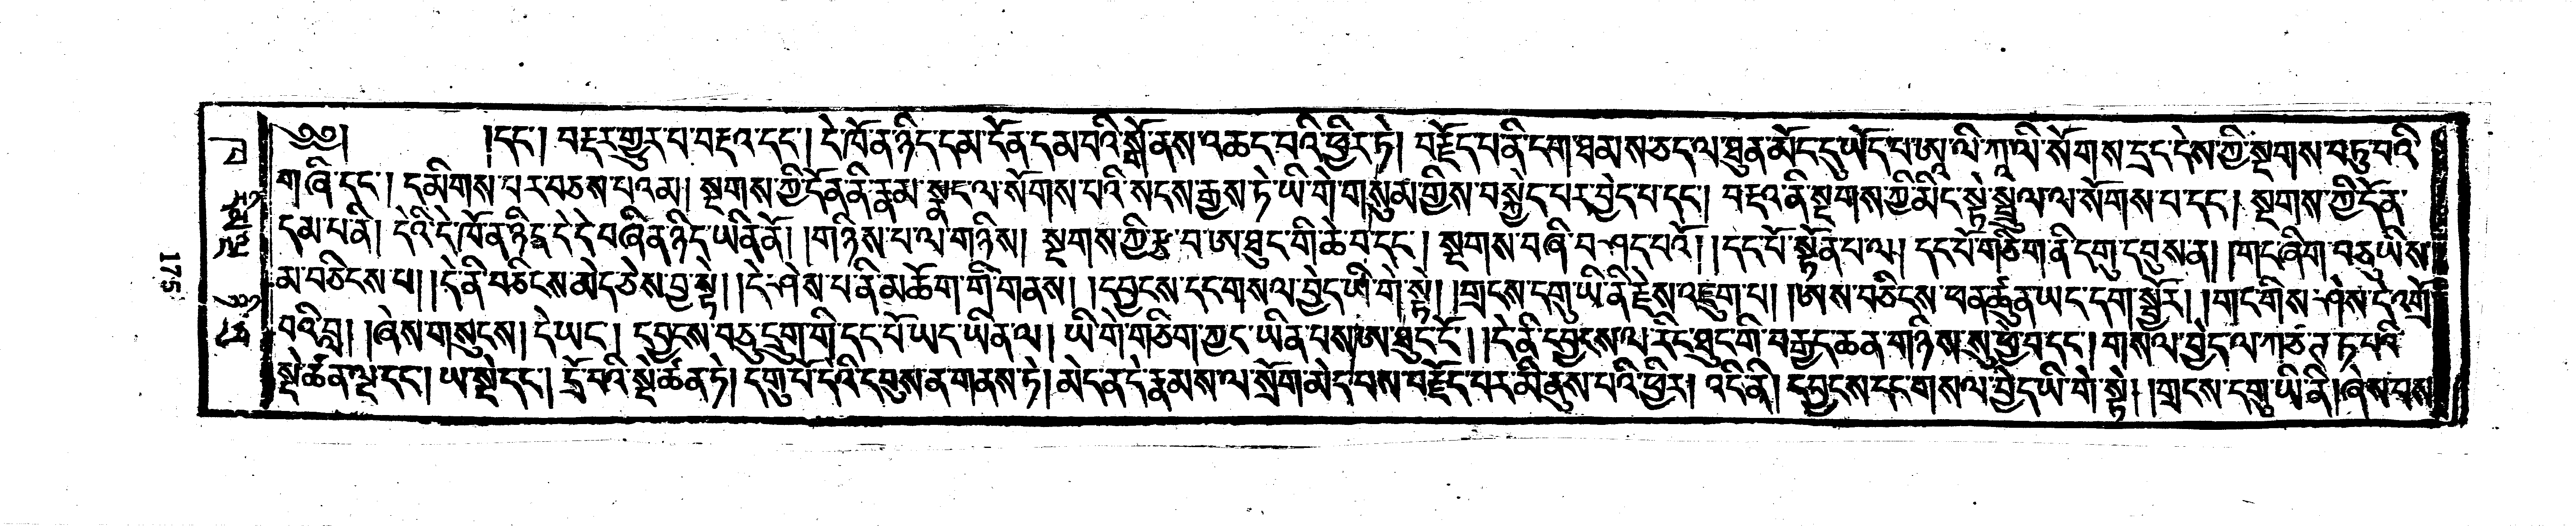༄༅། །དང་། བརྡར་གྱུར་པ་བརྡའ་དང་། དེ་ཁོ་ན་ཉིད་དམ་དོན་དམ་པའི་སྒོ་ནས་འཆད་པའི་ཕྱིར་ཏེ། བརྗོད་པ་ནི་ངག་ཐམས་ཅད་ལ་ཐུན་མོང་དུ་ཡོད་པ་ཨཱ་ལི་ཀཱ་ལི་སོགས་དྲང་ངེས་ཀྱི་སྔགས་བཏུ་བའི་
གཞི་དང་། དམིགས་པར་བཅས་པའམ། སྔགས་ཀྱི་དོན་ནི་རྣམ་སྣང་ལ་སོགས་པའི་སངས་རྒྱས་ཏེ་ཡི་གེ་གསུམ་གྱིས་བསྐྱེད་པར་བྱེད་པ་དང་། བརྡའ་ནི་སྔགས་ཀྱི་མིང་སྟེ་སྤྲུལ་ལ་སོགས་པ་དང་། སྔགས་ཀྱི་དོན་
དམ་པ་ནི། དེའི་དེ་ཁོ་ན་ཉིད་དེ་དེ་བཞིན་ཉིད་ཡིན་ནོ། །གཉིས་པ་ལ་གཉིས། སྔགས་ཀྱི་རྩ་བ་ཨ་ཐུང་གི་ཆེ་བ་དང་། སྔགས་བཞི་བཤད་པའོ། །དང་པོ་སྟོན་པ་ལ། དང་པོ་གཅིག་ནི་དགུ་དབུས་ན། །གང་ཞིག་བཅུ་ཡིས་
མ་བཅིངས་པ། །དེ་ནི་བཅིངས་མེད་ཅེས་བྱ་སྟེ། །དེ་ཤེས་པ་ནི་མཆོག་གི་གནས། །དབྱངས་དང་གསལ་བྱེད་ཡི་གེ་སྟེ། །གྲངས་དགུ་ཡི་ནི་རྗེས་འཇུག་པ། །ཨས་བཅིངས་ཕན་ཚུན་ཡང་དག་སྦྱོར། །གང་གིས་ཤེས་དེ་འགྲོ་
བའི་བླ། །ཞེས་གསུངས། དེ་ཡང་། དབྱངས་བཅུ་དྲུག་གི་དང་པོ་ཡང་ཡིན་ལ། ཡི་གེ་གཅིག་ཀྱང་ཡིན་པས་ཨ་ཐུང་ངོ། །དེ་ནི་དབྱངས་ལ་རིང་ཐུང་གི་བརྒྱད་ཚན་གཉིས་སུ་ཕྱེ་བ་དང་། གསལ་བྱེད་ལ་ཀ་ཙ་ཊ་ཏ་པའི་
སྡེ་ཚན་ལྔ་དང་། ཡ་སྡེ་དང་། དྲོ་བའི་སྡེ་ཚན་ཏེ། དགུ་པོ་དེའི་དབུས་ན་གནས་ཏེ། མེད་ན་དེ་རྣམས་ལ་སྲོག་མེད་པས་བརྗོད་པར་མི་ནུས་པའི་ཕྱིར། འདི་ནི། དབྱངས་དང་གསལ་བྱེད་ཡི་གེ་སྟེ། །གྲངས་དགུ་ཡི་ནི། ཞེས་པས་